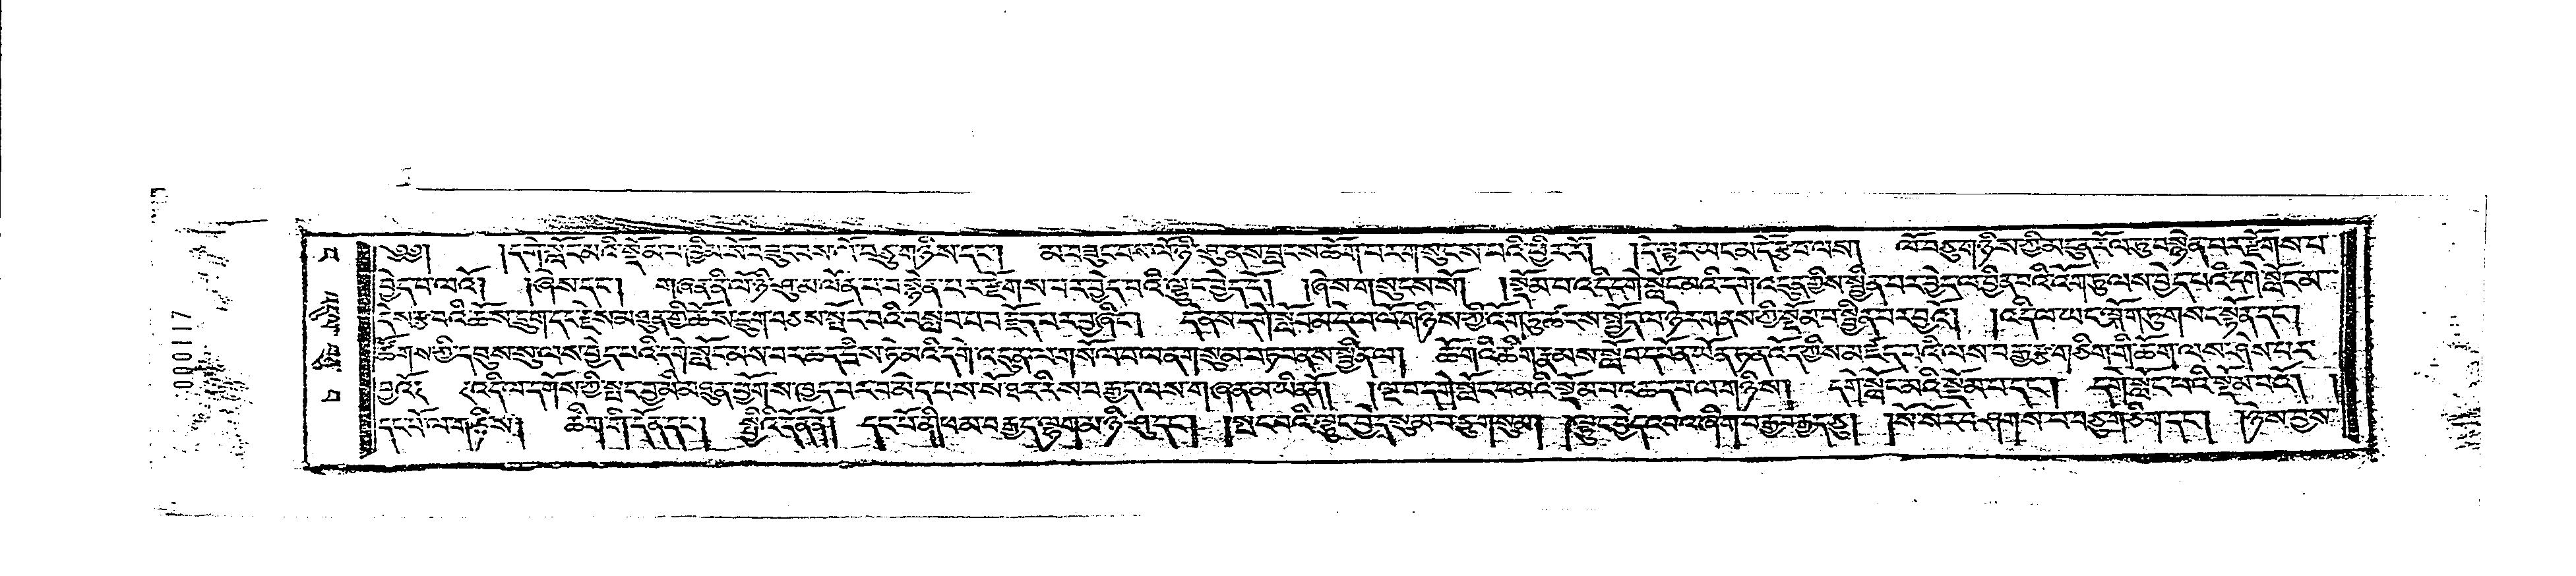༄༅། །དགེ་སློང་མའི་སྡོམ་པ་ཁྱིམ་སོ་བཟུང་བས་ལོ་བཅུ་གཉིས་དང་། མ་བཟུང་བས་ལོ་ཉི་ཤུ་ནས་བླངས་ཆོག་པར་གསུངས་པའི་ཕྱིར་རོ། །དེ་ལྟར་ཡང་མདོ་རྩ་བ་ལས། ལོ་བཅུ་གཉིས་ཀྱི་མདུན་རོལ་ཏུ་བསྙེན་པར་རྫོགས་པ་
བྱེད་པ་ལའོ། །ཞེས་དང་། གཞན་ནི་ལོ་ཉི་ཤུ་མ་ལོན་པ་བསྙེན་པར་རྫོགས་པར་བྱེད་པའི་ལྟུང་བྱེད་དོ། །ཞེས་གསུངས་སོ། །སྡོམ་པ་འདི་དགེ་སློང་མའི་དགེ་འདུན་གྱིས་སྦྱིན་པར་བྱེད་ལ་བྱིན་པའི་འོག་ཏུ་ལས་བྱེད་པའི་དགེ་སློང་མ་
དེས་རྩ་བའི་ཆོས་དྲུག་དང་རྗེས་མཐུན་གྱི་ཆོས་དྲུག་བཅས་སྤོང་བའི་བསླབ་པ་བརྗོད་པར་བྱ་ཞིང་། དེ་ནས་དགེ་སློབ་མ་དེ་ལ་ལོ་གཉིས་ཀྱི་འོག་ཏུ་ཚངས་སྤྱོད་ལ་ཉེར་གནས་ཀྱི་སྡོམ་པ་སྦྱིན་པར་བྱའོ། །འདི་ལ་ཡང་ལྐོག་ཏུ་གསང་སྟོན་དང་།
ཚོགས་ཀྱི་དབུས་སུ་ལས་བྱེད་པའི་དགེ་སློང་མས་བར་ཆད་དྲིས་ཏེ་མའི་དགེ་འདུན་ལ་གསོལ་བ་ལན་གསུམ་བཏབ་ནས་སྦྱིན་ལ། ཆོ་གའི་ཚིག་རྣམས་སློབ་དཔོན་ཡོན་ཏན་འོད་ཀྱིས་མཛད་པའི་ལས་བརྒྱ་རྩ་གཅིག་གི་ཆོག་ལས་ཤེས་པར་
བྱའོ༑ ༑འདི་ལ་དགོས་ཀྱི་སྤང་བྱ་མི་མཐུན་ཕྱོགས་ཁྱད་པར་བ་མེད་པས་སོ་ཐར་རིས་བརྒྱད་ལས་གཞན་མ་ཡིན་ནོ། །ལྔ་པ་དགེ་སློང་ཕ་མའི་སྡོམ་པ་འཆད་པ་ལ་གཉིས། དགེ་སློང་མའི་སྡོམ་པ་དང་། དགེ་སློང་པའི་སྡོམ་པའོ། །
དང་པོ་ལ་གཉིས། ཚིག་གི་དོན་དང་། སྤྱིའི་དོན་ནོ། དང་པོ་ནི། ཕམ་བརྒྱད་ལྷག་མ་ཉི་ཤུ་དང་། །སྤང་བའི་ལྟུང་བྱེད་སུམ་བཅུ་གསུམ། །ལྟུང་བྱེད་འབའ་ཞིག་བརྒྱ་བརྒྱད་ཅུ། །སོ་སོར་བཤགས་པ་བཅུ་གཅིག་དང་། །ཉེས་བྱས་